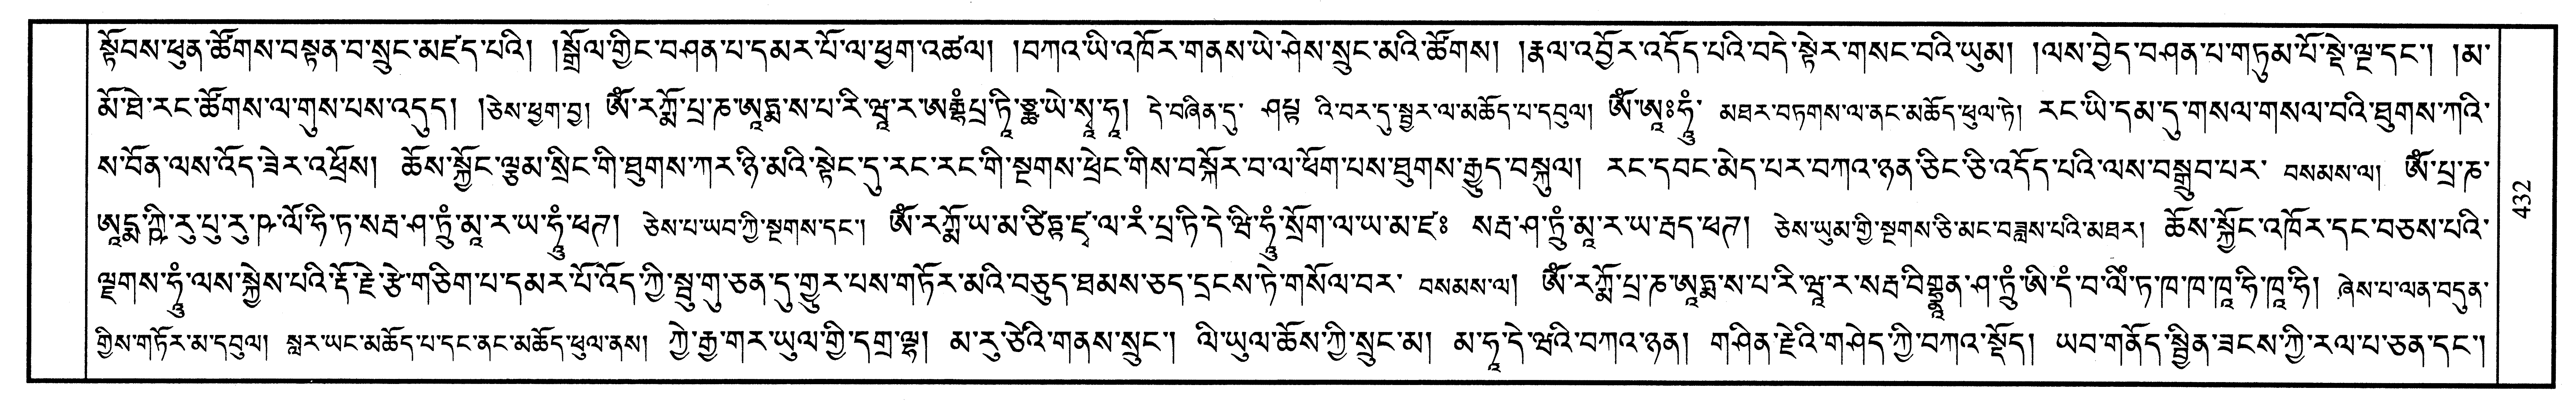སྟོབས་ཕུན་ཚོགས་བསྟན་བ་སྲུང་མཛད་པའི། །སྒྲོལ་གྱིང་བཤན་པ་དམར་པོ་ལ་ཕྱག་འཚལ། །བཀའ་ཡི་འཁོར་གནས་ཡེ་ཤེས་སྲུང་མའི་ཚོགས། །རྣལ་འབྱོར་འདོད་པའི་བདེ་སྟེར་གསང་བའི་ཡུམ། །ལས་བྱེད་བཤན་པ་གཏུམ་པོ་སྡེ་ལྔ་དང་། །མ་
མོ་ཐེ་རང་ཚོགས་ལ་གུས་པས་འདུད། །ཅེས་ཕྱག་བྱ། ཨོཾ་རཀྨོ་པྲ་ཎ་ཨཱཏྨ་ས་པ་རི་ཝཱ་ར་ཨརྒྷཾ་པྲ་ཏཱི་ཙྪ་ཡེ་སྭཱ་ཧཱ། དེ་བཞིན་དུ་ཤཔྟ་འི་བར་དུ་སྦྱར་ལ་མཆོད་པ་དབུལ། ཨོཾ་ཨཱཿ ཧཱུཾ་མཐར་བཏགས་ལ་ནང་མཆོད་ཕུལ་ཏེ། རང་ཡི་དམ་དུ་གསལ་གསལ་བའི་ཐུགས་ཀའི་
ས་བོན་ལས་འོད་ཟེར་འཕྲོས། ཆོས་སྐྱོང་ལྕམ་སྲིང་གི་ཐུགས་ཀར་ཉི་མའི་སྟེང་དུ་རང་རང་གི་སྔགས་ཕྲེང་གིས་བསྐོར་བ་ལ་ཕོག་པས་ཐུགས་རྒྱུད་བསྐུལ། རང་དབང་མེད་པར་བཀའ་ཉན་ཅིང་ཅི་འདོད་པའི་ལས་བསྒྲུབ་པར་བསམས་ལ། ཨོཾ་པྲ་ཎ་
ཨཱངྨ་ཀྵི་རུ་པུ་རུ་ཥ་ལོ་ཧི་ཏ་སརྦ་ཤ་ཏྲུཾ་མཱ་ར་ཡ་ཧཱུཾ་ཕཊ། ཅེས་པ་ཡབ་ཀྱི་སྔགས་དང་། ཨོཾ་རཀྨོ་ཡ་མ་ཙིཏྟ་ཛྭ་ལ་རཾ་པྲ་ཏི་དེ་ཝི་ཧཱུཾ་སྲོག་ལ་ཡ་མ་ཛཿ སརྦ་ཤ་ཏྲུཾ་མཱ་ར་ཡ་རྦད་ཕཊ། ཅེས་ཡུམ་གྱི་སྔགས་ཅི་མང་བཟླས་པའི་མཐར། ཆོས་སྐྱོང་འཁོར་དང་བཅས་པའི་
ལྗགས་ཧཱུཾ་ལས་སྐྱེས་པའི་རྡོ་རྗེ་རྩེ་གཅིག་པ་དམར་པོ་འོད་ཀྱི་སྦུ་གུ་ཅན་དུ་གྱུར་པས་གཏོར་མའི་བཅུད་ཐམས་ཅད་དྲངས་ཏེ་གསོལ་བར་བསམས་ལ། ཨོཾ་རཀྨོ་པྲ་ཎ་ཨཱཏྨ་ས་པ་རི་ཝཱ་ར་སརྦ་བིགྷྣཱན་ཤ་ཏྲུཾ་ཨི་དཾ་བ་ལིཾ་ཏ་ཁ་ཁ་ཁཱ་ཧི་ཁཱ་ཧི། ཞེས་པ་ལན་བདུན་
གྱིས་གཏོར་མ་དབུལ། སླར་ཡང་མཆོད་པ་དང་ནང་མཆོད་ཕུལ་ནས། ཀྱེ་རྒྱ་གར་ཡུལ་གྱི་དགྲ་ལྷ། མ་རུ་ཙེའི་གནས་སྲུང་། ལི་ཡུལ་ཆོས་ཀྱི་སྲུང་མ། མ་ཧཱ་དེ་ཝའི་བཀའ་ཉན། གཤིན་རྗེའི་གཤེད་ཀྱི་བཀའ་སྡོད། ཡབ་གནོད་སྦྱིན་ཟངས་ཀྱི་རལ་པ་ཅན་དང་།